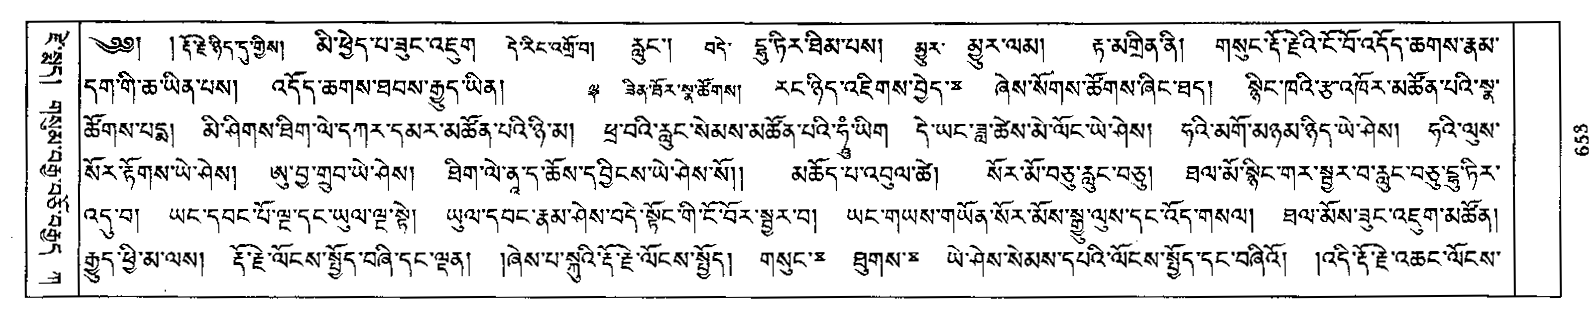༄༅། །རྡོ་རྗེ་ཉིད་དུ་གྱིས། མི་ཕྱེད་པ་ཟུང་འཇུག་དེ་རིང་འགྲོ་བ། རླུང་། བདེ་དྷུ་ཏིར་ཐིམ་པས། མྱུར་མྱུར་ལམ། རྟ་མགྲིན་ནི། གསུང་རྡོ་རྗེའི་ངོ་བོ་འདོད་ཆགས་རྣམ་
དག་གི་ཆ་ཡིན་པས། འདོད་ཆགས་ཐབས་རྒྱུད་ཡིན། ༈ ཟིན་ཐོར་སྣ་ཚོགས། རང་ཉིད་འཇིགས་བྱེད་྾་ཞེས་སོགས་ཚོགས་ཞིང་ཐད། སྙིང་ཁའི་རྩ་འཁོར་མཚོན་པའི་སྣ་
ཚོགས་པདམ། མི་ཤིགས་ཐིག་ལེ་དཀར་དམར་མཚོན་པའི་ཉི་མ། ཕྲ་བའི་རླུང་སེམས་མཚོན་པའི་ཧཱུཾ་ཡིག་དེ་ཡང་ཟླ་ཚེས་མེ་ལོང་ཡེ་ཤེས། ཧའི་མགོ་མཉམ་ཉིད་ཡེ་ཤེས། ཧའི་ལུས་
སོར་རྟོགས་ཡེ་ཤེས། ཨུ་བྱ་གྲུབ་ཡེ་ཤེས། ཐིག་ལེ་ནཱ་ད་ཆོས་དབྱིངས་ཡེ་ཤེས་སོ།། མཆོད་པ་འབུལ་ཚེ། སོར་མོ་བཅུ་རླུང་བཅུ། ཐལ་མོ་སྙིང་གར་སྦྱར་བ་རླུང་བཅུ་དྷུ་ཏིར་
འདུ་བ། ཡང་དབང་པོ་ལྔ་དང་ཡུལ་ལྔ་སྟེ། ཡུལ་དབང་རྣམ་ཤེས་བདེ་སྟོང་གི་ངོ་བོར་སྦྱར་བ། ཡང་གཡས་གཡོན་སོར་མོས་སྒྱུ་ལུས་དང་འོད་གསལ། ཐལ་མོས་ཟུང་འཇུག་མཚོན།
རྒྱུད་ཕྱི་མ་ལས། རྡོ་རྗེ་ལོངས་སྤྱོད་བཞི་དང་ལྡན། །ཞེས་པ་སྐུའི་རྡོ་རྗེ་ལོངས་སྤྱོད། གསུང་྾་ཐུགས་྾་ཡེ་ཤེས་སེམས་དཔའི་ལོངས་སྤྱོད་དང་བཞིའོ། །འདི་རྡོ་རྗེ་འཆང་ལོངས་